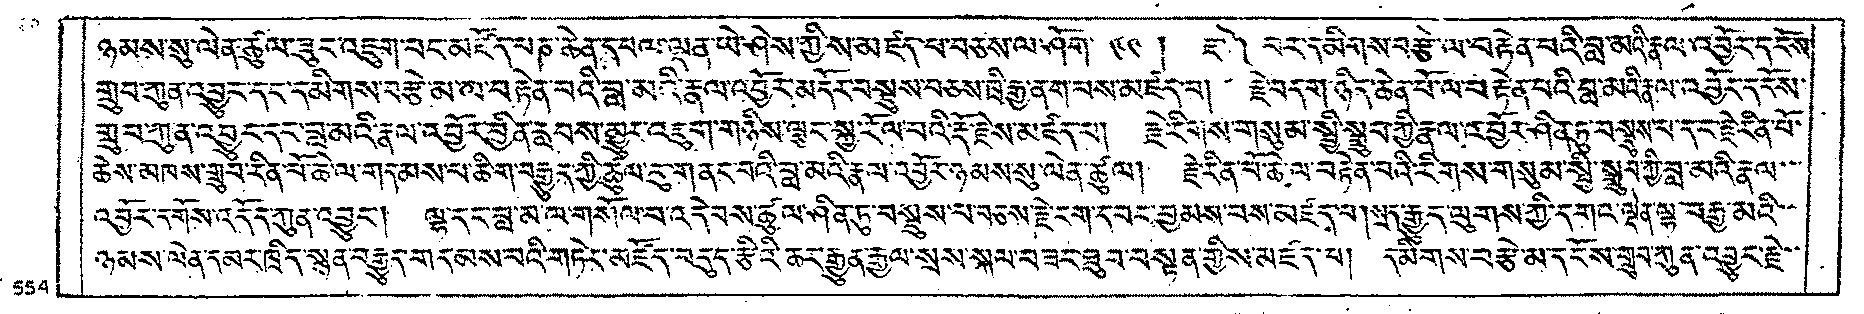ཉམས་སུ་ལེན་ཚུལ་ཟུང་འཇུག་བང་མཛོད་པཎ་ཆེན་དཔལ་ལྡན་ཡེ་ཤེས་ཀྱིས་མཛད་པ་བཅས་ལ་ཤོག ༤༤། ཇ྄་པར་དམིགས་བརྩེར་བ་མ་བརྟེན་པ་ནི་བླ་མའི་རྣལ་འབྱོར་དངོས་
གྲུབ་ཀུན་འབྱུང་དང་དམིགས་བརྩེ་མ་ལ་བརྟེན་པའི་བླ་མའི་རྣལ་འབྱོར་མདོར་བསྡུས་བཅས་ཁྲི་རྒྱ་ནག་པས་མཛད་པ། རྗེ་བདག་ཆིད་ཆེན་པོ་ལ་བརྟེན་པའི་བླ་མའི་རྣལ་འབྱོར་དངོས་
གྲུབ་ཀུན་འབྱུང་དང་བླ་མའི་རྣལ་འབྱོར་བྱིན་རླབས་མྱུར་འཇུག་གཉིས་ལྕང་སྐྱ་རོལ་པའི་རྡོ་རྗེས་མཛད་པ། རྗེ་རིགས་གསུམ་སྤྱི་སྒྲུབ་ཀྱི་རྣལ་འབྱོར་ཤིན་ཏུ་བསྡུས་པ་དང་རྗེ་རིན་པོ་
ཆེས་མཁས་གྲུབ་རིན་པོ་ཆེ་ལ་གདམས་པ་ཆིག་བརྒྱུད་ཀྱི་ཚུལ་དུ་གནང་བའི་བླ་མའི་རྣལ་འབྱོར་ཉམས་སུ་ལེན་ཚུལ། རྗེ་རིན་པོ་ཆེ་ལ་བརྟེན་པའི་རིགས་གསུམ་སྤྱི་སྒྲུབ་ཀྱི་བླ་མའི་རྣལ་
འབྱོར་དགོས་འདོད་ཀུན་འབྱུང་། ལྷ་དང་བླ་མ་ལ་གསོལ་བ་འདེབས་ཚུལ་ཤིན་ཏུ་བསྡུས་པ་བཅས་རྗེ་ངག་དབང་བྱམས་པས་མཛད་པ། སྲད་རྒྱུད་ལུགས་ཀྱི་དགའ་ལྡན་ལྷ་བརྒྱ་མའི་
ཉམས་ལེན་དམར་ཁྲིད་སྙན་བརྒྱུད་གདམས་པའི་གཏེར་མཛོད་བདུད་རྩིའི་ཆར་རྒྱུན་རྒྱལ་སྲས་སྐལ་བཟང་ཐུབ་བསྟན་གྱིས་མཛད་པ། དམིགས་བརྩེ་མ་དངོས་གྲུབ་ཀུན་འབྱུང་རྗེ་